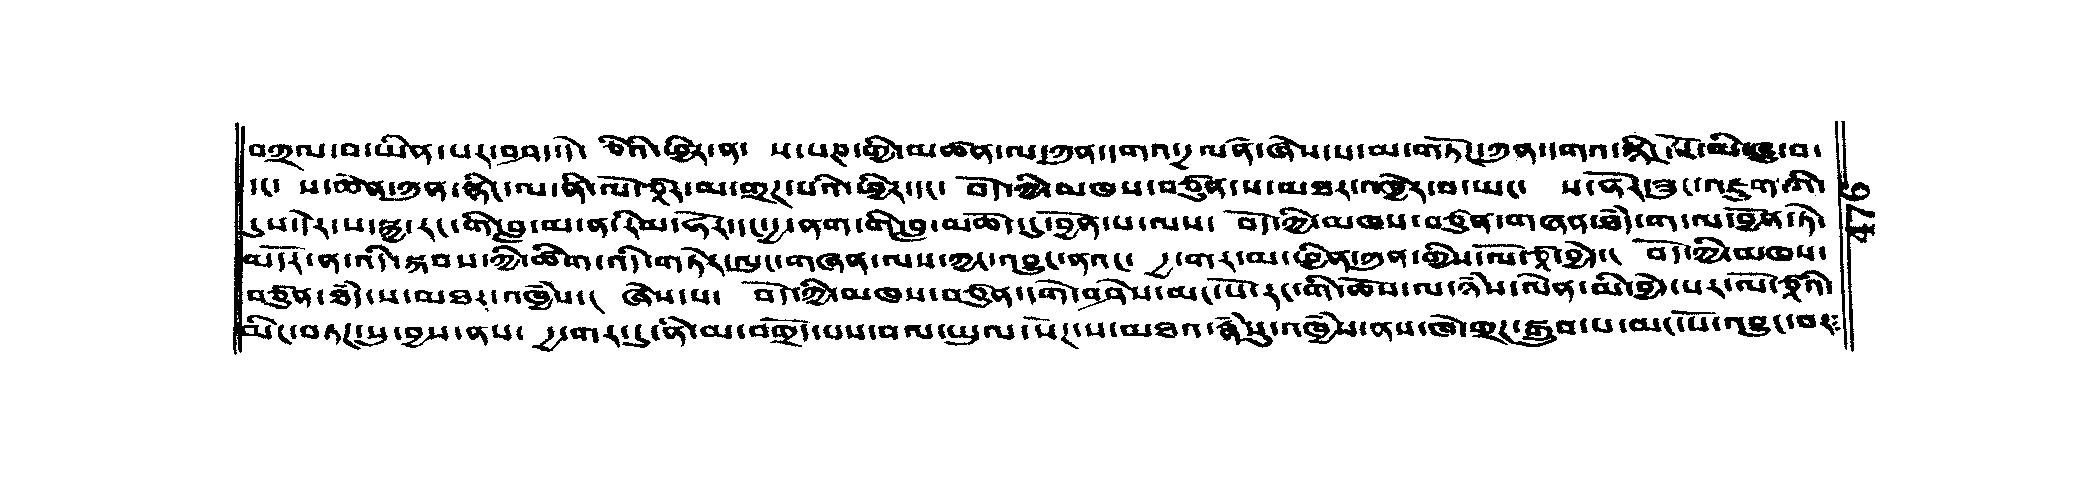བཀྲལ་བ་ཡིན་བཤད་དེ། ཅིའི་ཕྱིར་ན། ས་པཎ་གྱི་མཚན་ལ་ཀུན་དགའ་རྒྱལ་མཚན་ཞེས་པ་མ་གཏོགས་ཀུན་དགའ་སྙིང་པོ་མི་ཞུ་བ་
དང་།ས་ཆེན་ཀུན་སྙིང་ལ་ནི་ལོ་ཙཱར་མ་གྲགས་པའི་ཕྱིར་དང་། བོད་ཀྱི་མཁས་བཙུན་ས་མཐར་འཁྱར་བ་ཡང་། ས་ཧོར་ཟུང་འཇུག་གི་
དུས་དེར་ས་སྐྱ་རང་གི་བླ་མ་ན་རིམ་ཧོར་དང་རྒྱ་ནག་གི་བླ་མཆོད་དུ་བྱོན་པ་ལས། བོད་ཀྱི་མཁས་བཙུན་གཞན་ཐམས་ཅད་ག་ལ་བྱོན་ཏེ། 
མདོར་ན་འདི་སྐབས་ཀྱི་ཚིག་འདི་གཏེར་ལུང་གཞན་ལས་ཀྱང་འབྱུང་ནའང་། རྒྱ་གར་མ་ཕྱིན་ཀུན་གྱིས་ལོ་ཙཱ་བྱེད། །བོད་ཀྱི་མཁས་
བཙུན་ཐམས་ཅད་ས་མཐར་འཁྱམས། ཞེས་པ། བོད་ཀྱི་མཁས་བཙུན་དགེ་བཤེས་མང་པོ་རང་གི་ཆོས་ལ་ཉམས་ལེན་མི་བྱེད་པར་ལོ་ཙའི་
མིང་བཏགས་སུ་བྱས་ནས། རྒྱ་གར་དུ་ནི་མ་བགྲོད་པས་བལ་ཡུལ་སོགས་ས་མཐའ་རྣམས་སུ་འཁྱམས་ནས་ཁེ་གྲགས་སྒྲུབ་པ་མང་པོ་འབྱུང་བར་